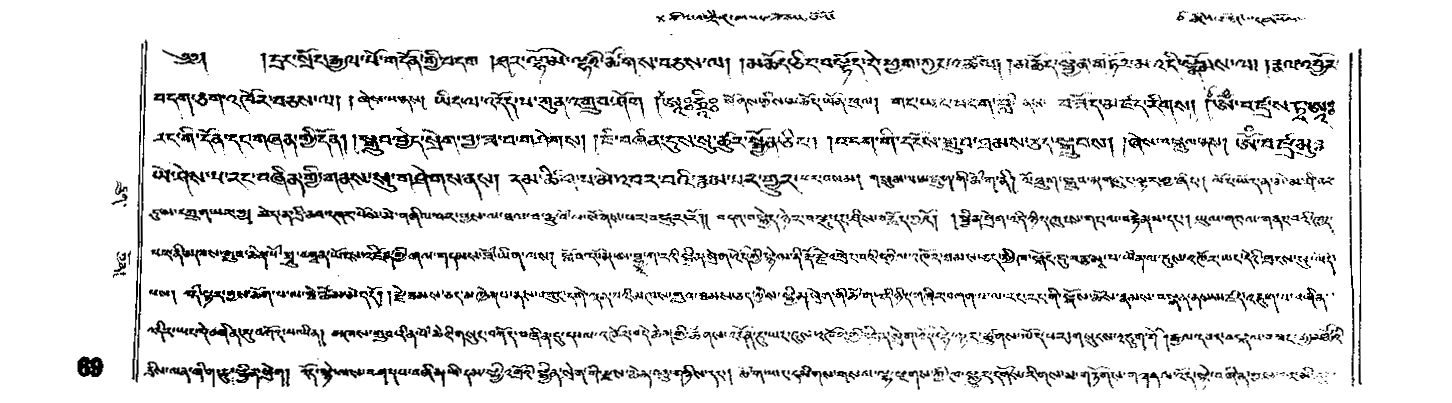༄༅། །དྲང་སྲོང་རྒྱལ་པོ་གདོན་གྱི་བདག །ཤར་ལྷོ་མོ་ལྷའི་ཚོགས་བཅས་ལ། །མཆོད་ཅིང་བསྟོད་དེ་ཕྱག་ཀྱང་འཚལ། །མཆོད་སྦྱིན་གཏོར་མ་འདི་སྣོམས་ལ། །རྣལ་འབྱོར་
བདག་ཅག་འཁོར་བཅས་ལ། ། ཞེས་པ་ནས།  ཡིད་ལ་འདོད་པ་ཀུན་འགྲུབ་ཤོག ། ཆོས་འཕྲིན་མས་བཅལ?་པའོ་ཨཱཿ ཧྲཱིཿ སོགས་ཀྱིས་མཆོད་ཡོན་ཕུལ།  གང་ཡང་བདག་བློ་ནས་བཟོད་མཛད་རིགས། ། ཅེས?་འགོ་པར་གསོལ་ཨོཾ་བཛྲ་སཏྭ་ཨཱཿ
རང་གི་དོན་དང་གཞན་གྱི་དོན། །སྒྲུབ་བྱེད་སྲེག་བྱ་ཟ་བ་གཤེགས། །ཇི་བཞིན་དུས་སུ་ཚུར་སྦྱོན་ཅིང་། །བདག་གི་དངོས་གྲུབ་ཐམས་ཅད་སྒྲུབས། ། ཞེས་བསྐུལ་ནས།  ཨོཾ་བཛྲ་མུཿ
ཡེ་ཤེས་པ་རང་བཞིན་གྱི་གནས་སུ་གཤེགས་ནས། དམ་ཚིག་པ་མེ་འབར་བའི་རྣམ་པར་གྱུར་པར་བསམ། གསུམ་པ་མཇུག་གི་ཆོ་ག་ནི། ལོ་ཐུག་སྒྲུབ་ན་གཞུང་ལྟར་བྱ་ཞིང་། ལོང་ཡོད་ན་མེ་མ་ཤི་བར་
དུ་མ་དཀྲུག་པར་བྱ། མེད་ན་དྲི་ཆབ་དཀར་པོས་མེ་གཞིལ་བར་བྱས་ལ་ཐལ་བ་ཆུ་བོ་ལ་སོགས་པར་བསྐུར་རོ།། བདག་བསྐྱེད་ཉེར་བསྡུ་དང་ཐིས་བརྗོད་བྱའོ། །སྦྱིན་སྲེག་འདི་ཉིད་ཁུངས་གང་ལ་བརྟེན་པ་དང་། ཡུལ་གང་ལ་གནང་བའི་ཁྱད་
པར་ནི་མཁས་གྲུབ་ཆིན་པོ་ཐཱུ་བཀྭན་ཡོངས་འཛིན་གྱི་ཞལ་གདམས་ཐཾ་ཡིག་ལས། སློབ་དཔོན་ཨ་བྷཱ་ཀ་རའི་སྦྱིན་སྲེག་འོད་ཀྱི་སྙེལ་ནི་རྡོ་རྗེ་འཕྲེང་བའི་དཀྱིལ་འཁོར་ཐམས་ཅད་ཀྱི་ཁ་སྐོར་དུ་བརྩམས་ལ་ཡིན་ལ་དུས་འཁོར་ཡང་དེའི་གྲངས་སུ་ཡོད་
པས། འདི་ལྟར་བྱས་ཆོག་པ་ལ་ཐེ་ཚོམ་མེད་དོ། །རྗེ་ཐམས་ཅད་མཁྱེན་པ་ནས་བཟུང་དགེ་ལྡན་པའི་མཁས་གྲུབ་ཐམས་ཅད་ཀྱིས་སྦྱིན་སྲེག་གི་ཆོ་ག་འདི་ཉིད་གཞིར་བཞག་པ་ལ་རང་རང་གི་སོགས་ཆོས་རྣམས་བསྣན་ནས་མཛད་འདུག་པ་བཞིན་
འདིར་ཡང་དེ་བཞིན་དུ་བཀོད་པ་ཡིན། མཁས་གྲུབ་རིན་པོ་ཆེའི་གསུང་བཀོད་བཞིན་དུ་དཔལ་འཁོར་བདེ་ཆེག་གྱི་ཚོགས་འདོན་དུ་ཡང་དུས་འཁོར་གྱི་སྦྱིན་སྲེག་འོད་སྙེ་ལྟར་ཚུགས་ཡོད་པར། གསུངས་འདུག་གོ། རྒྱལ་དབང་བསྐལ་བཟང་རྒྱ་མཚོའི་
དྲིས་ལན་ཞིག་ཆུ་སྦྱིན་སྲེག། འོད་སྙེ་ལས་བཤད་པ་བཞིན་ཡི་དམ་སྤྱི་འགྲོའི་སྦྱིན་སྲེག་གི་རྫས་ཆེན་བཅུ་གཉིས་དང་། ཆོ་ག་ཡང་དམིགས་གསལ་ལྷ་སྔགས་ཀྱི་ཁ་སྒྱུར་དགོས་རིགས་མ་གཉོགས་གཞན་ལ་འོད་སྙེ་བཞིན་བྱས་ཀྱང་མི་རུང་